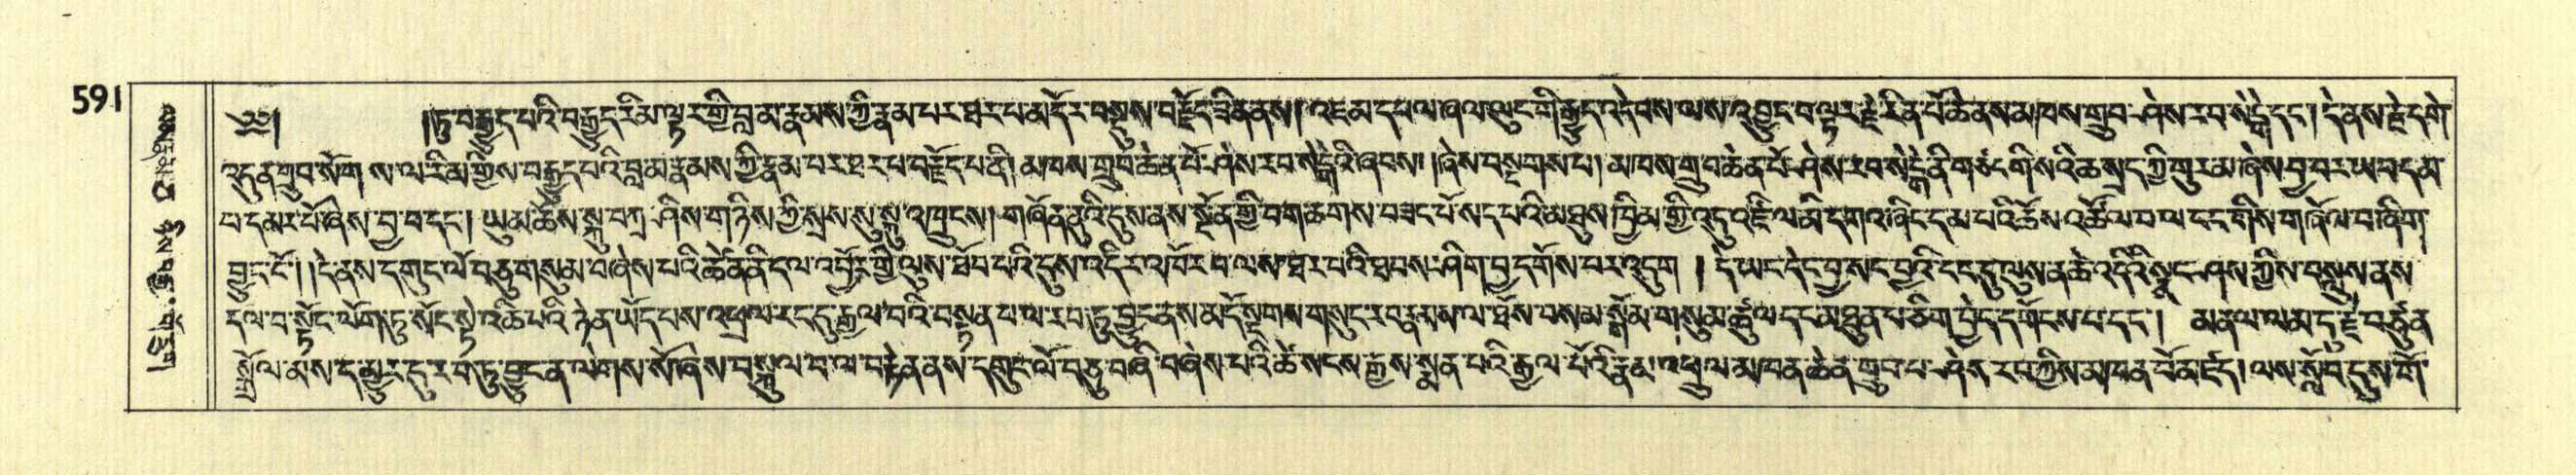༄༅། །ཏུ་བརྒྱུད་པའི་བརྒྱུད་རིམ་ལྟར་གྱི་བླ་མ་རྣམས་ཀྱི་རྣམ་པར་ཐར་པ་མདོར་བསྡུས་བརྗོད་ཟིན་ནས། འཇམ་དཔལ་ཞལ་ལུང་གི་རྒྱུད་འདེབས་ལས་འབྱུང་བ་ལྟར་རྗེ་རིན་པོ་ཆེ་ནས་མཁས་གྲུབ་ཤེས་རབ་སེངྒེ་དང་། དེ་ནས་རྗེ་དགེ་
འདུན་གྲུབ་སོགས་ལ་རིམ་གྱིས་བརྒྱུད་པའི་བླ་མ་རྣམས་ཀྱི་རྣམ་པར་ཐར་པ་བརྗོད་པ་ནི། མཁས་གྲུབ་ཆེན་པོ་ཤེས་རབ་སེངྒེའི་ཞབས། །ཞེས་བསྔགས་པ། མཁས་གྲུབ་ཆེན་པོ་ཤེས་རབ་སེངྒེ་ནི་གཙང་གི་སའི་ཆ་སྲད་ཀྱི་གུར་མ་ཞེས་བྱ་བར་ཡབ་དམ་
བ་དམར་པོ་ཞེས་བྱ་བ་དང་། ཡུམ་ཆོས་སྐུ་བཀྲ་ཤིས་གཉིས་ཀྱི་སྲས་སུ་སྐུ་འཁྲུངས། གཞོན་ནུའི་དུས་ནས་སྔོན་གྱི་བག་ཆགས་བཟང་པོ་སད་པའི་མཐུས་ཁྱིམ་གྱི་འདུ་འཛིལ་མི་དགའ་ཞིང་དམ་པའི་ཆོས་འཚོལ་བ་ལ་ངང་གིས་གཞོལ་བ་ཞིག་
བྱུང་ངོ། །དེ་ནས་དགུང་ལོ་བཅུ་གསུམ་བཞེས་པའི་ཚེ་ན་ནི་དལ་འབྱོར་གྱི་ལུས་ཐོབ་པའི་དུས་འདིར་འཁོར་བ་ལས་ཐར་པའི་ཐབས་ཤིག་བྱ་དགོས་པར་འདུག །དེ་ཡང་དེང་བྱ་སང་བྱའི་ངང་དུ་ལུས་ན་ཆེ་འདིའི་སྣང་ཤས་ཀྱིས་བསླུས་ནས་
དལ་བ་སྟོང་ལོག་ཏུ་སོང་སྟེ་འཆི་པའི་ཉེན་ཡོད་པས་འཕྲལ་རང་དུ་རྒྱལ་བའི་བསྟན་པ་ལ་རབ་ཏུ་བྱུང་ནས་མདོ་སྔགས་གསུང་རབ་རྣམས་ལ་ཐོས་བསམ་སྒོམ་གསུམ་ཚུལ་དང་མཐུན་པ་ཅིག་བྱེད་དགོངས་པ་དང་། མནལ་ལམ་དུ་རྗེ་བཙུན་
སྒྲོལ་མས་ད་མྱུར་དུ་རབ་ཏུ་བྱུང་ན་ལེགས་སོ་ཞེས་བསྐུལ་བ་ལ་བརྟེན་ནས་དགུང་ལོ་བཅུ་བཞི་བཞེས་པའི་ཚེ་སངས་རྒྱས་སྨན་པའི་རྒྱལ་པོའི་རྣམ་འཕྲུལ་མཁན་ཆེན་གྲུབ་པ་ཤེས་རབ་ཀྱིས་མཁན་པོ་མཛད། ལས་སློབ་དུས་གོ་